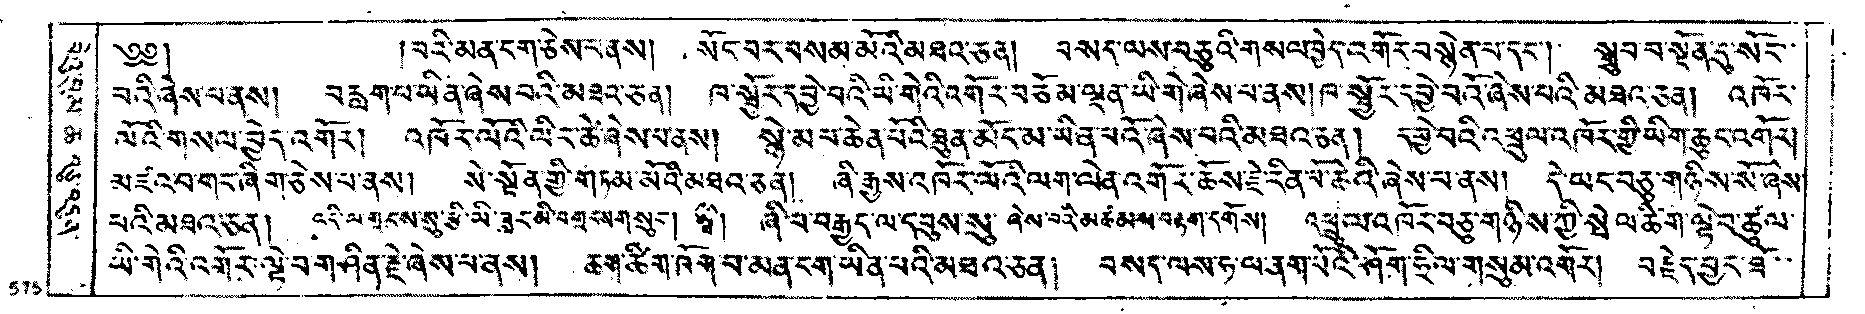༄༅། །བའི་མན་ངག་ཅེས་པ་ནས། སོང་བར་བསམ་མོའི་མཐའ་ཅན། བསད་ལས་བཅུའི་གསལ་བྱེད་འགོར་བསྙེན་པ་དང་། སྒྲུབ་པ་སྔོན་དུ་སོང་
བའི་ཞེས་པ་ནས། བརླག་པ་ཡིན་ཞེས་པའི་མཐའ་ཅན། ཁ་སྦྱོར་དབྱེ་བའི་ཡི་གེའི་འགོར་བཅོམ་ལྡན་ཡི་གེ་ཞེས་པ་ནས། ཁ་སྦྱོར་དབྱེ་བའོ་ཞེས་པའི་མཐའ་ཅན། འཁོར་
ལོའི་གསལ་བྱེད་འགོར། འཁོར་ལོའི་ལིང་ཚེ་ཞེས་པ་ནས། སྙེ་མ་པ་ཆེན་པོའི་ཐུན་མོང་མ་ཡིན་པའོ་ཞེས་པའི་མཐའ་ཅན། དབྱེ་བའི་འཕྲུལ་འཁོར་གྱི་ཡིག་ཆུང་འགོར།
མཛའ་བ་གང་ཞིག་ཅེས་པ་ནས། སེ་སྟོན་གྱི་གཏམ་མོའི་མཐའ་ཅན། ཞི་རྒྱས་འཁོར་ལོའི་ལག་ལེན་འགོར་ཆོས་རྗེ་རིན་པོ་ཆེའི་ཞེས་པ་ནས། དེ་ཡང་བཅུ་གཉིས་སོ་ཞེས་
པའི་མཐའ་ཅན། འདི་ལ་གྲངས་སུ་རྩི་ལི་ཟླར་མི་བགྲངས་གསུང་།  ཨྀཐི། ཞི་བ་བརྒྱད་ལ་དབུས་སུ་ཞེས་པའི་མཚམས་བརྟག་དགོས།  འཕྲུལ་འཁོར་བཅུ་གཉིས་ཀྱི་སྤེལ་ཚིག་ལྟེ་བ་ཚུལ་
ཡི་གེའི་འགོར་ལྟེ་བ་གཤིན་རྗེ་ཞེས་པ་ནས། ཆག་ཚིག་ཁོག་པ་མན་ངག་ཡིན་པའི་མཐའ་ཅན། བསད་ལས་ཧ་ལ་ནག་པོའི་ཤོག་ཧྲིལ་གསུམ་འགོར། བརྗེད་བྱང་ཐོ་